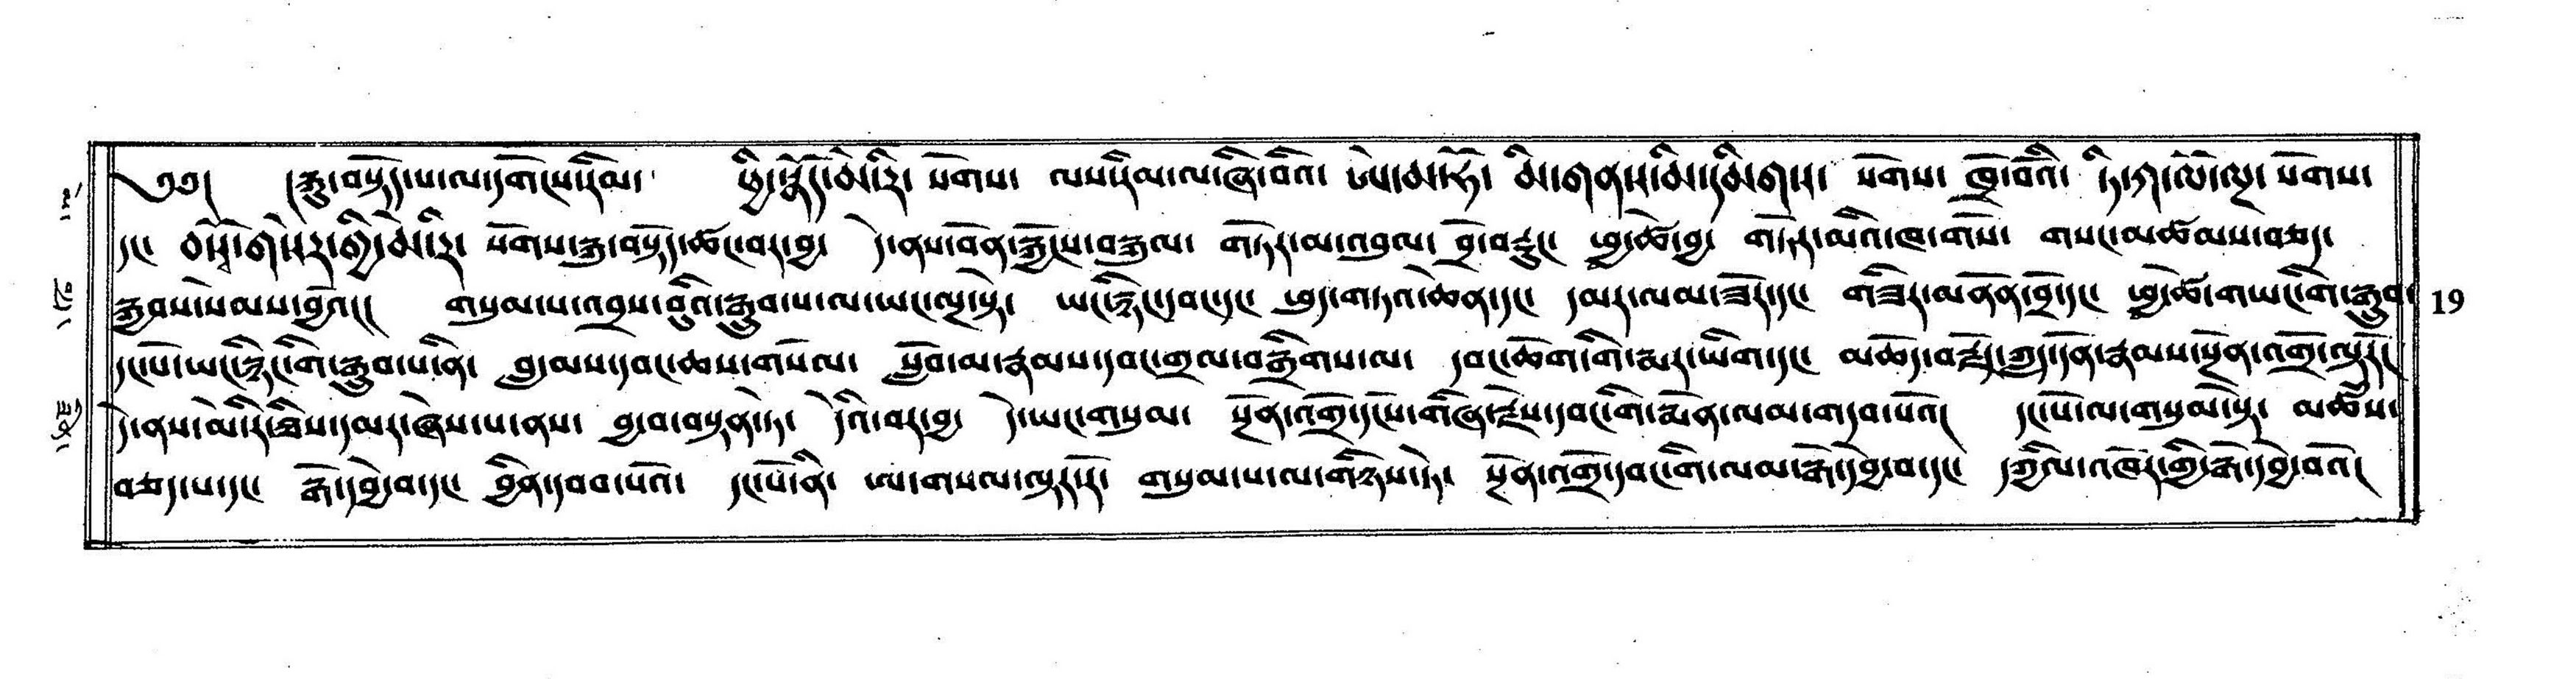སྐུ་བསྟོད་པ་ལ་དགོངས་རིམ། ཕྱི་སྣོད་མེ་རི་སོགས་ལས། རིམ་ལ་ཞི་བའི། ཨེ་མ་ཧོ། མི་གནས་མི་དམིགས། སོགས། ཁྲོ་བོའི། ཏི་ཀ་ལོ་ལྔ། སོགས་
དང་། བསྭོ་གསེར་གྱི་མེ་རི། སོགས་སྐུ་བསྟོད་ཚང་བར་བྱ། དེ་ནས་བོན་སྐྱོངས་བསྐུལ། གཏོར་མ་འབུལ། བྲོ་བརྡུང་། ཕྱྭ་ཚེ་བྱ། གཏོར་མའི་ཁ་གསོ། གསང་མཚམས་བཅད་
སྐྱབས་སེམས་བྱའོ།། གསུམ་པ་འབྲས་བུའི་སྒྲུབ་པ་ལ་ཡང་ལྔ་སྟེ། ཡང་སྙིང་དབང་དང་། ཕུད་གཏའ་ཆེན་དང་། དམར་ལམ་ཟོར་དང་། གཟིར་མནོན་བྲོ་དང་། ཕྱྭ་ཚེ་གཡང་གི་སྒྲུབ་
དང་པོ་ཡང་སྙིང་གི་སྒྲུབ་པ་ནི། བླ་མས་དབང་ཆས་གསོལ། སློབ་མ་རྣམས་དབང་གྲལ་བསྒྲིགས་ལ། དབང་ཆོག་གི་སྨར་ཡིག་དང་། མཆོད་བརྗོད་ཀླད་དོན་རྣམས་སྔོན་འགྲོ་ལྟར་རོ། 
དེ་ནས་མེ་རི་ཐིས་དམར་ཞེས་པ་ནས། བྱ་བ་བསྟན་ཏེ། དེའི་བར་བྱ། དེ་ཡང་གསུམ། སྔོན་འགྲོ་དངོས་གཞི་རྗེས་དབང་གི་སྨོན་ལམ་གདབ་པའོ། དང་པོ་ལ་གསུམ་སྟེ། མཚམས་
བཅད་པ་དང། སྒོ་དབྱེ་བ་དང། བྱིན་དབབ་པའོ། དང་པོ་ནི། ཨ་གསལ་ལྟར་རོ། གསུམ་པ་ལ་གཉིས་ཏེ། སྔོན་འགྲོ་དབང་གི་ལམ་སྒོ་དབྱེ་བ་དང་། དཀྱིལ་འཁོར་གྱི་སྒོ་དབྱེ་བའོ།